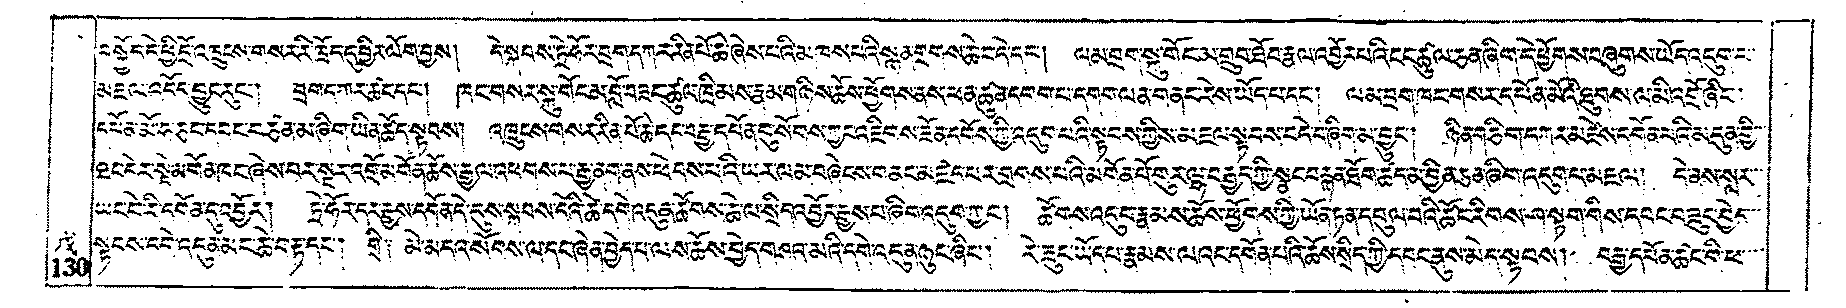བསྐྱོད་དེ་ཕྱི་དྲོ་འཁྲུངས་གསར་རི་ཁྲོད་དུ་ཕྱིར་ལོག་བྱས། དེ་སྐབས་ཏྲེ་ཧོར་བྲག་དཀར་རིན་པོ་ཆེ་ཞེས་པའི་མཁས་པའི་སྙན་གྲགས་ཆེ་བ་དེ་དང་། ལམ་བྲག་སྐུ་གོང་མ་གྲུབ་ཐོབ་རྣལ་འབྱོར་པའི་ངང་ཚུལ་ཅན་ཞིག་དེ་ཕྱོགས་བཞུགས་ཡོད་འདུག་པ་
མཇལ་འདོད་བྱུང་རུང་། བྲག་དཀར་ཚང་དང་། ཁང་གསར་སྐུ་གོང་མ་བློ་བཟང་ཚུལ་ཁྲིམས་རྣམ་གཉིས་ཆོས་ཕྱོགས་ནས་ཕན་ཚུན་དགག་པ་དགག་ལན་གནང་རེས་ཡོད་པ་དང་། ལམ་བྲག་ཁང་གསར་དཔོན་མོའི་ཐུགས་ལ་མི་འགྲོ་ཞིང་།
དཔོན་མོ་ཧ་ཅང་དབང་བཙན་མ་ཞིག་ཡིན་ཚོད་སྟབས། འཁྲུངས་གསར་རིན་པོ་ཆེ་དང་བརྒྱ་དཔོན་བུ་སོགས་ཀྱང་འཇིགས་ཟོན་དགོས་ཀྱི་འདུག་པའི་སྟབས་ཀྱིས་མཇལ་སྟབས་བདེ་བ་ཞིག་མ་བྱུང་། ཉིན་གཅིག་དཀར་མཛེས་དགོན་པའི་མདུན་གྱི་
ཐང་དེར་སྡེ་མགོན་ཁང་ཞེས་པར་སྔར་འགྲོ་མགོན་ཆོས་རྒྱལ་འཕགས་པ་རྒྱ་ནག་ནས་ཕེབས་པའི་ཡར་ལམ་བཞེངས་གནང་མཛད་པར་གྲགས་པའི་མགོན་པོ་གུར་ལྷ་བརྒྱད་ཀྱི་སྣང་བརྙན་ཐོག་ཚད་མ་བྱིན་ཅན་ཞིག་འདུག་པ་མཇལ། དེ་ནས་སླར་
ཡང་བེ་རི་དགོན་དུ་འབྱོར། ཏྲེ་ཧོར་དར་རྒྱས་དགོན་དེ་དུས་སྐབས་དེའི་ཚེ་དགེ་འདུན་ཚོགས་ཆེ་ལ་སྲིད་འབྱོར་རྒྱས་པ་ཞིག་འདུག་ཀྱང་། ཚོགས་འདུ་བ་རྣམས་ཆོས་ཕྱོགས་ཀྱི་ཡོན་ཏན་དབུལ་བའི་ཚོང་རིགས་ཤ་སྟག་གིས་དབང་བཟུང་བྱེད་
སྟབས་དགེ་འདུན་མང་ཆེ་བ་རྟ་དང་། གྲི༑ མེ་མདའ་སོགས་ལ་དང་ཞེན་བྱེད་པ་ལས་ཆོས་བྱེད་གཤའ་མའི་དགེ་འདུན་ཉུང་ཞིང་། རེ་ཟུང་ཡོད་པ་རྣམས་ལའང་དགོན་པའི་ཆོས་སྲིད་ཀྱི་དབང་ནུས་མེད་སྟབས། བརྒྱ་དཔོན་ཚང་གི་ཕ་